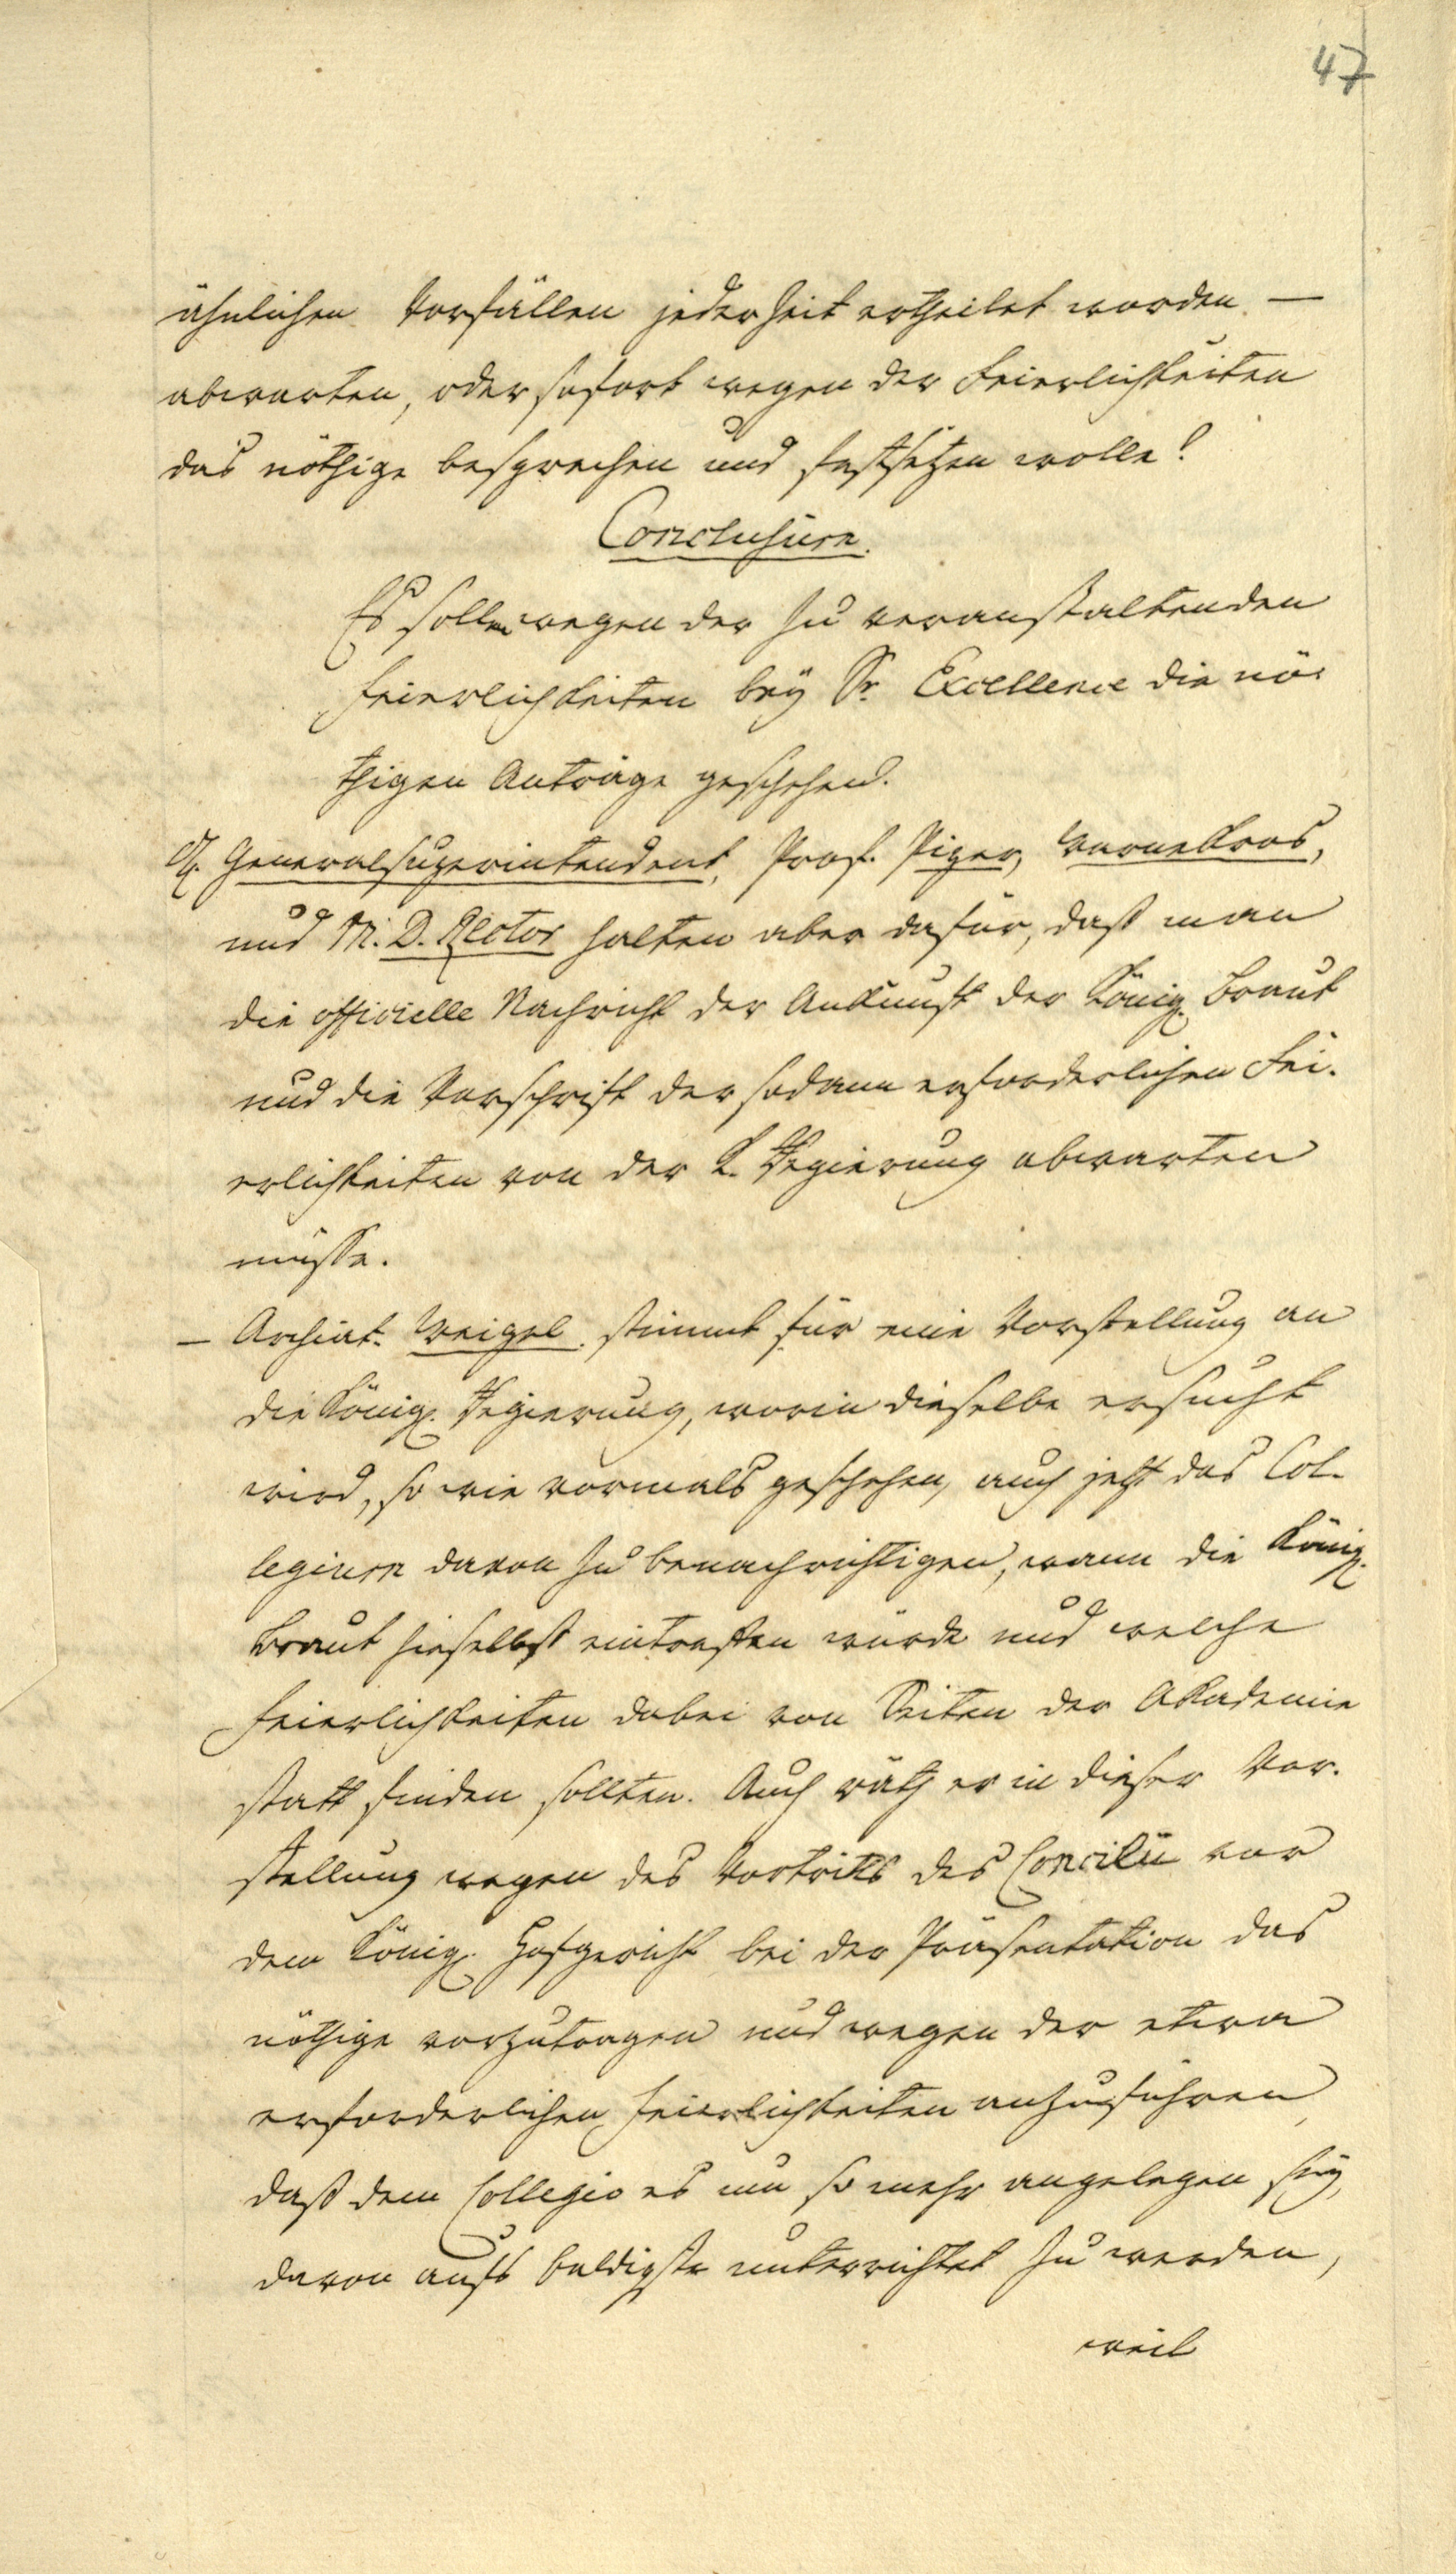ähnlichen Vorfällen jeder Zeit ertheilet worden.
abwarten, oder sofort wegen der Feierlichkeiten
das nöthige besprechen und festsetzen wolle?
Conclusum
Es sollen wegen der zu veranstaltenden
Feierlichkeiten beÿ Sr Excellence die nö¬
thigen Anträge geschehen.
dh. Generalsuperintendent Prof. Piper, Warnekros,
und M. D. Rector halten aber dafür, daß man
die officielle Nachricht der Ankunft der Königl. Braut
und die Vorschrift der sodann erforderlichen Fei¬
erlichkeiten von der K. Regierung abwarten
müsse.
Archiat. Weigel stimmt für eine Vorstellung an
die Königl. Regierung, worin dieselbe ersucht
wird, so wie vormals geschehen, auch jetzt das Col¬
legium davon zu benachrichtigen, wann die Königl.
Braut hieselbst eintreffen würde und welche
Feierlichkeiten dabei von Seiten der Akademie
statt finden sollten. Auch räth er in dieser Vor¬
stellung wegen des Vortritts des Concilii vor
dem Königl. Hofgericht bei der Präsentation das
nöthige vorzutragen und wegen der etwa
erforderlichen Feierlichkeiten anzuführen,
daß dem Collegio es um so mehr angelegen seÿ,
davon aufs baldigste unterrichtet zu werden,
weil